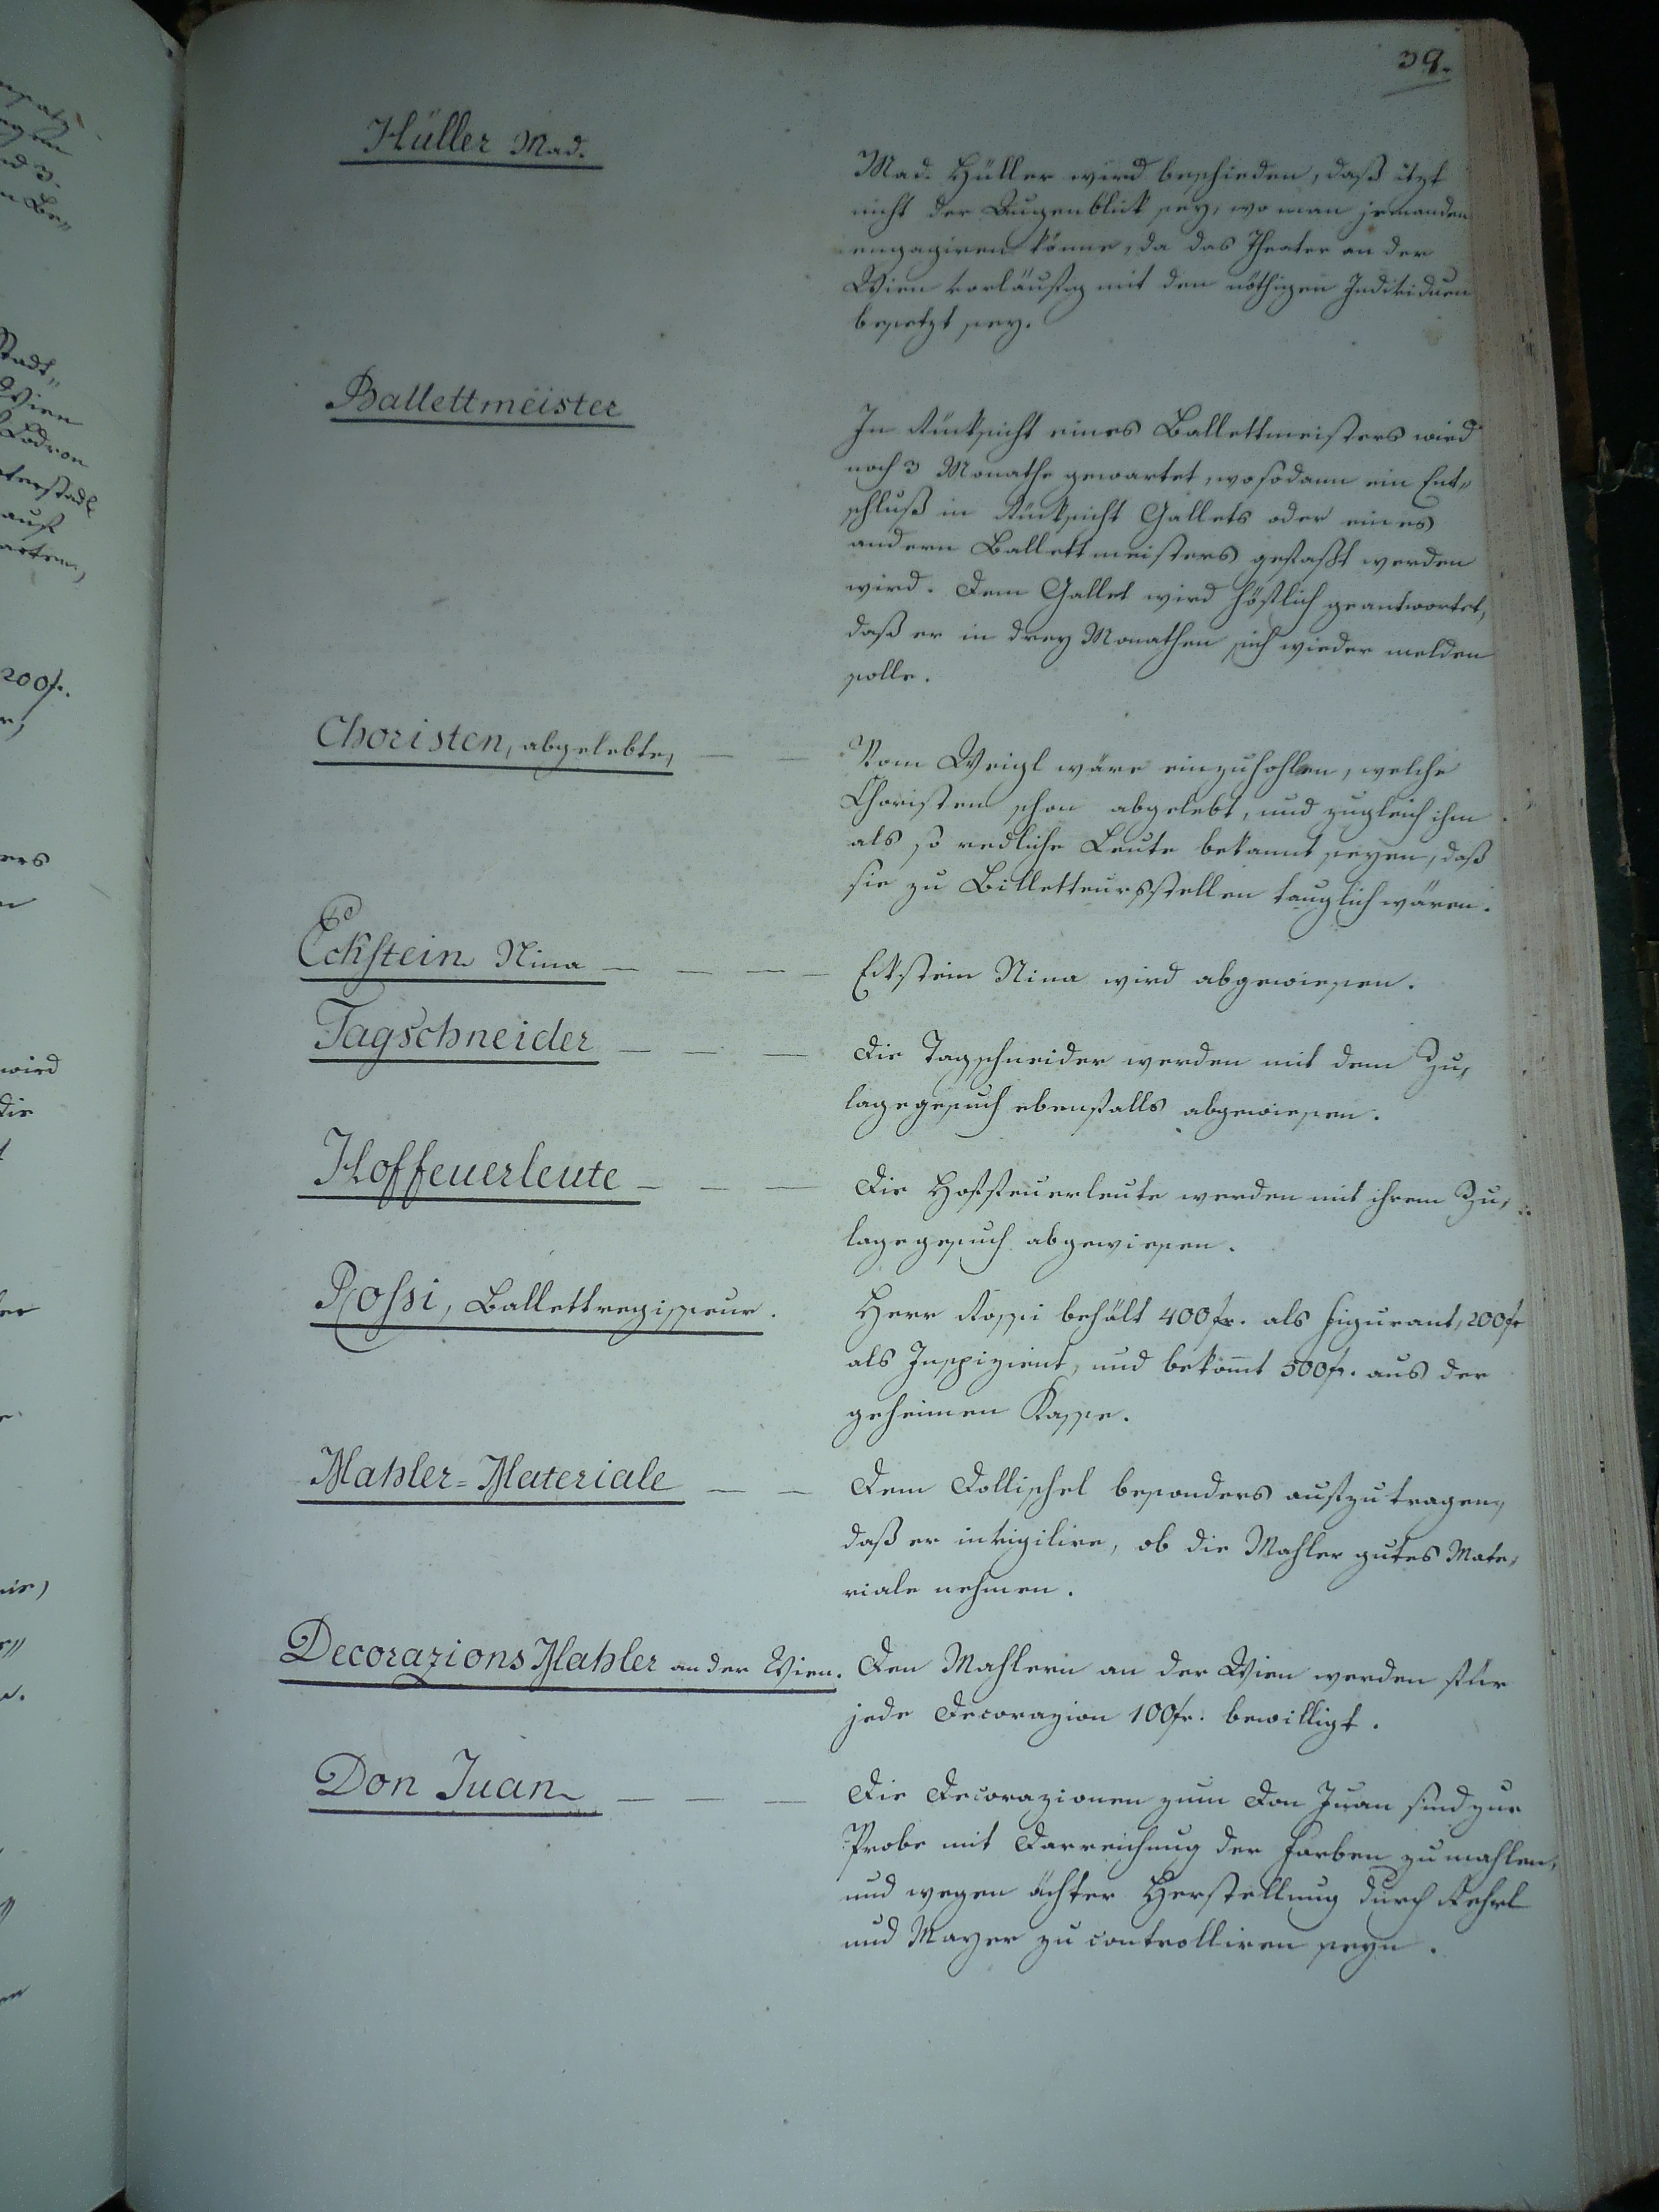39.
Hüller Mad. Mad. Hüller wird beschieden, daß itzt
nicht der Augenblick sey, wo man jemanden
engagiren könne, da das Theater an der
Wien vorläufig mit den nöthigen Individuen
besetzt sey.
Ballettmeister In Rücksicht eines Ballttmeisters wird
noch 3 Monathe gewartet, wo sodann ein Ent¬
schluß in Rücksicht Gallets oder eines
andern Ballettmeisters gefaßt werden
wird. Dem Gallet wird höflich geantwortet,
daß er in drey Monathen sich wieder melden
solle.
Choristen, abgelebte, _ _ Vom Weigl wäre einzuhohlen, welche
Choristen schon abgelebt, und zugleich ihm
als so redliche Leute bekannt seyen, daß
sie zu Billetteursstellen tauglich wären.
Eckstein Nina _ _ _ _ Eckstein Nina wird abgewiesen.
Tagschneider _ _ _ Die Tagschneider werden mit dem Zu¬
lagegesuch ebenfalls abgewiesen.
Hoffeuerleute _ _ _ Die Hoffeuerleute werden mit ihrem Zu¬
lagegesuch abgewiesen.
Rossi, Ballettregisseur. Herr Rossi behält 400 fr. als Figurant, 200fr
als Inspizient, und bekom̅t 500fr. aus der
geheimen Kasse.
Mahler‗Materiale _ _ Dem Dollischel besonders aufzutragen,
daß er invigilire, ob die Mahler gutes Mate¬
riale nehmen.
Decorazions Mahler an der Wien. Den Mahlern an der Wien werden für
jede Decorazion 100fr. bewilligt.
Don Juan _ _ _ Die Decorazionen zum Don Juan sind zur
Probe mit Darreichung der Farben zu mahlen,
und wegen ächter Herstellung durch Rehrl
und Mayer zu controlliren seyn.